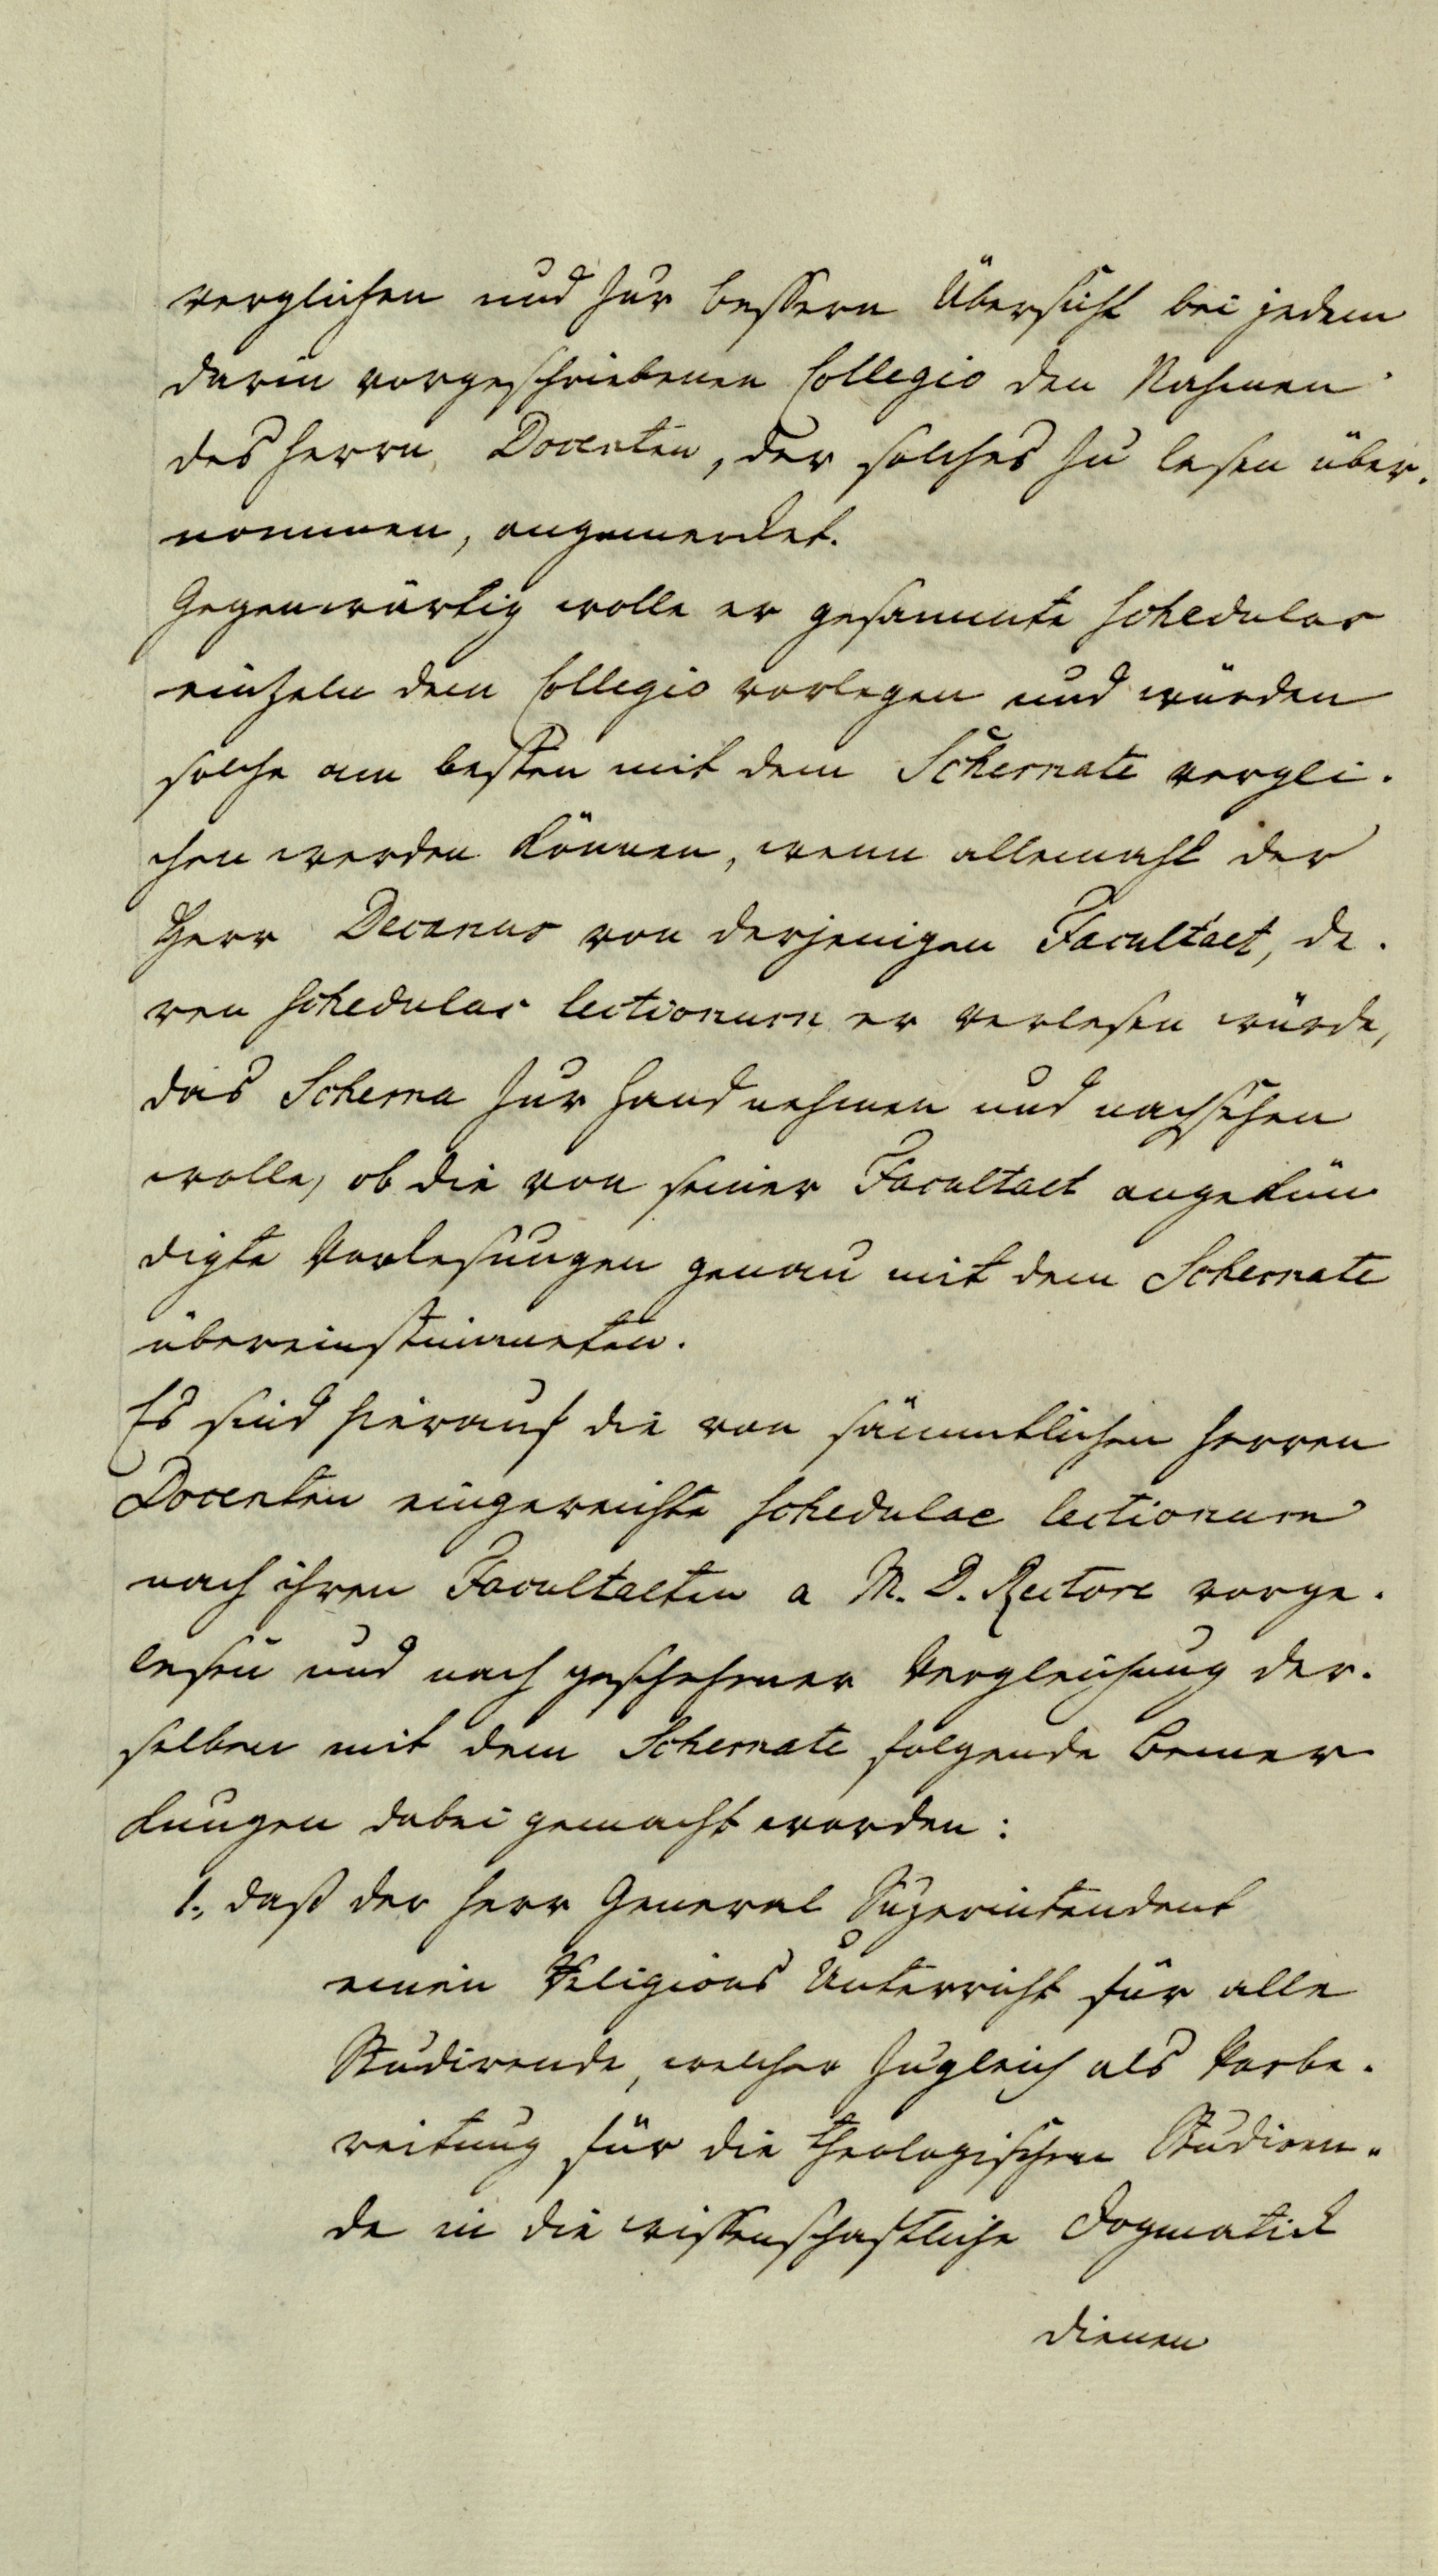verglichen und zur bessern Übersicht bei jedem
darin vorgeschriebenen Collegio den Nahmen
des Herrn Docenten, der solches zu lesen über¬
nommen, angemercket.
Gegenwärtig wolle er gesammte Schedulas
einzeln dem Collegio vorlegen und würden
solche am besten mit dem Schemate vergli¬
chen werden können, wenn allemahl der
Herr Decanus von derjenigen Facultaet, de¬
ren Schedulas lectionum er verlesen würde,
das Schema zur Hand nehmen und nachsehen
wolle, ob die von seiner Facultaet angekün¬
digte Vorlesungen genau mit dem Schemate
übereinstimmeten.
Es sind hierauf die von sämmtlichen Herren
Docenten eingereichte Schedulae lectionum
nach ihren Facultaeten a M. D. Rectore vorge¬
lesen und nach geschehener Vergleichung der¬
selben mit dem Schemate folgende Bemer
kungen dabei gemacht worden:
1., daß der Herr General Superintendent
einen Religions Unterricht für alle
Studirende, welcher zugleich als Vorbe¬
reitung für die theologischen Studiren¬
de in die wissenschaftliche Dogmatick
dienen